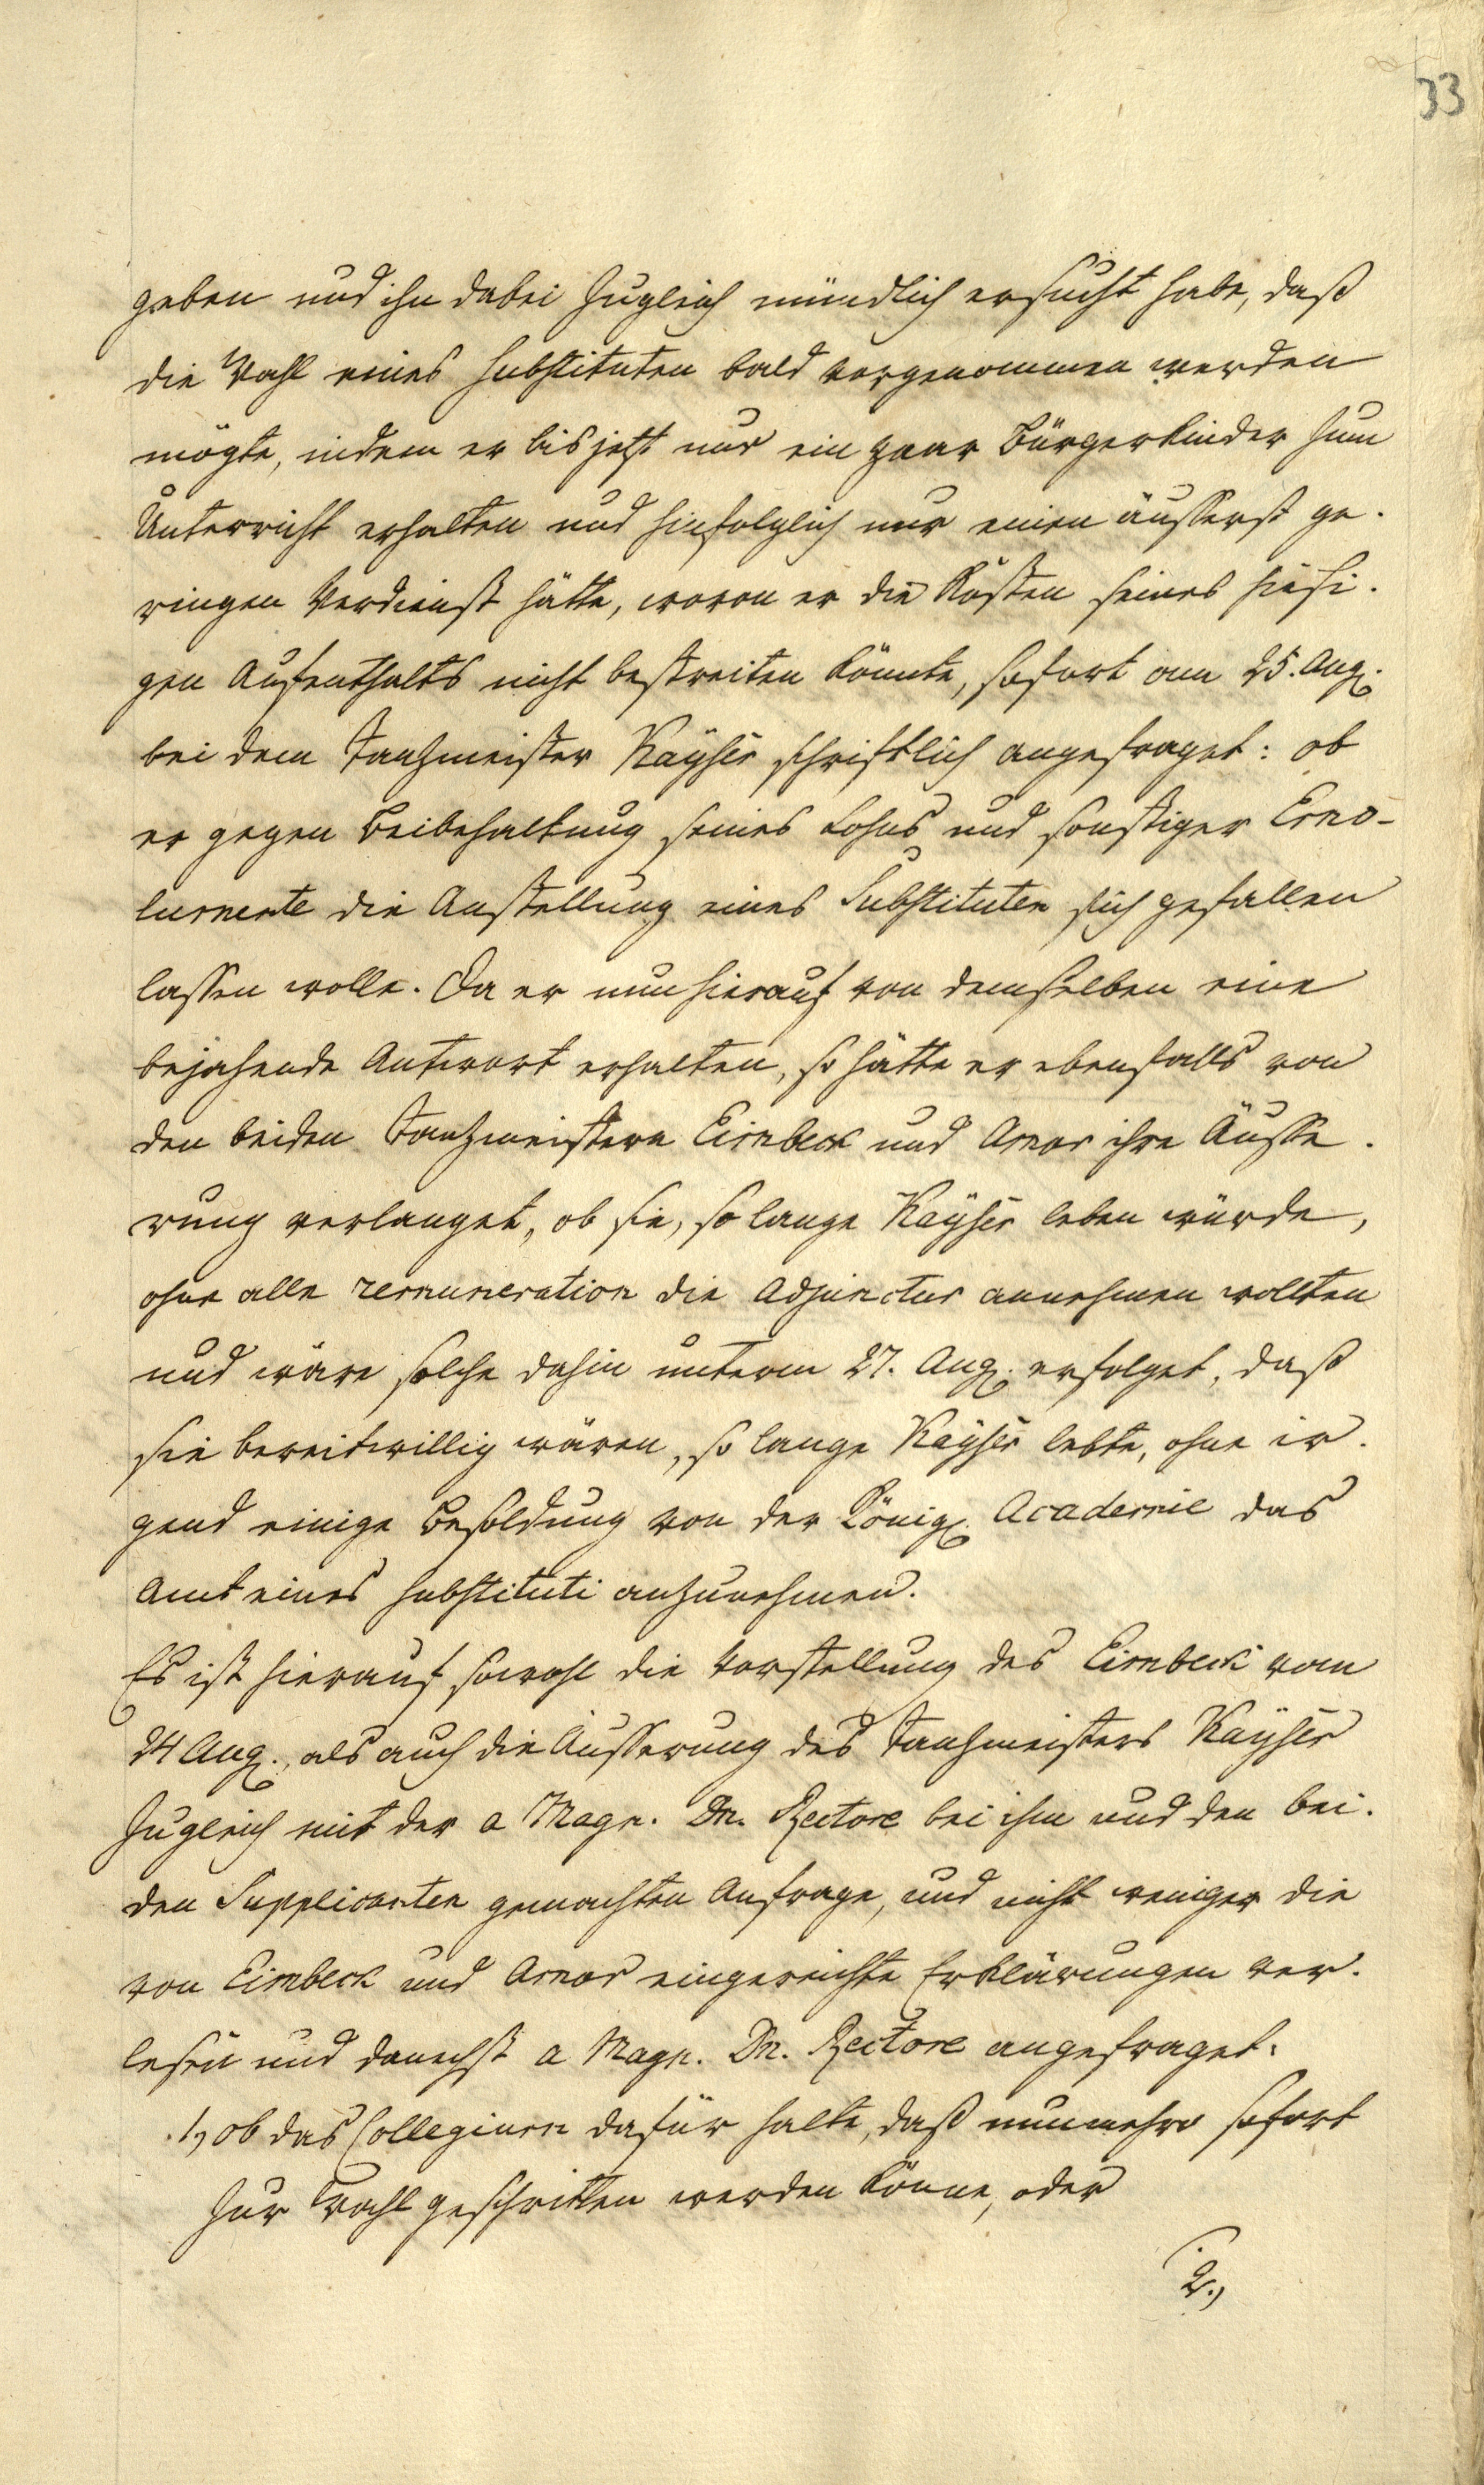geben und ihn dabei zugleich mündlich ersucht habe, daß
die Wahl eines substituten bald vorgenommen werden
mögte, indem er bis jetzt nur ein paar Bürgerkinder zum
Unterricht erhalten und hinfolglich nur einen äusserst ge-
ringen Verdienst hätte, woran er die Kosten seines hiesi-
gen Aufenthalts nicht bestreiten könnte, sofort am 25. Aug.
bei dem Tanzmeister Kayser schriftlich angefraget: ob
er gegen Beibehaltung seines Lohns und sonstiger Emo-
lumente die Anstellung eines Substituten sich gefallen
lassen wolle. da er nun hierauf von demselben eine
bejahende Antwort erhalten, so hätte er ebenfalls von
den beiden Tanzmiestern Eimbeck und Amor ihre Äusse-
rung verlanget, ob sie, so lange Kayser leben würde,
ohne alle remuneration die Adjunctur annehmen wollten
und wäre solche dahin unterm 27. Aug. erfolget, daß
sie bereitwillig wären, so lange Kayser lebte, ohne ir-
gend einige Besoldung von der Königl. Academie das
Amt eines substituti anzunehmen.
Es ist hierauf sowohl die Vorstellung des Eimbeck vom
24 Aug., als auch die Äusserung des Tanzmeisters Kayser
zugleich mit der a Magn. Dn. Rectore bei ihm und den bei-
den Supplicanten gemachten Anfrage, und nicht weniger die
von Eimbeck und Amor eingereichte Erklärungen ver-
lesen und danechst a Magn. Dn. Rectore angefraget:
1., ob das Collegium dafür halte, daß nunmehr sofort
zur Wahl geschritten werden könne, oder
2.)